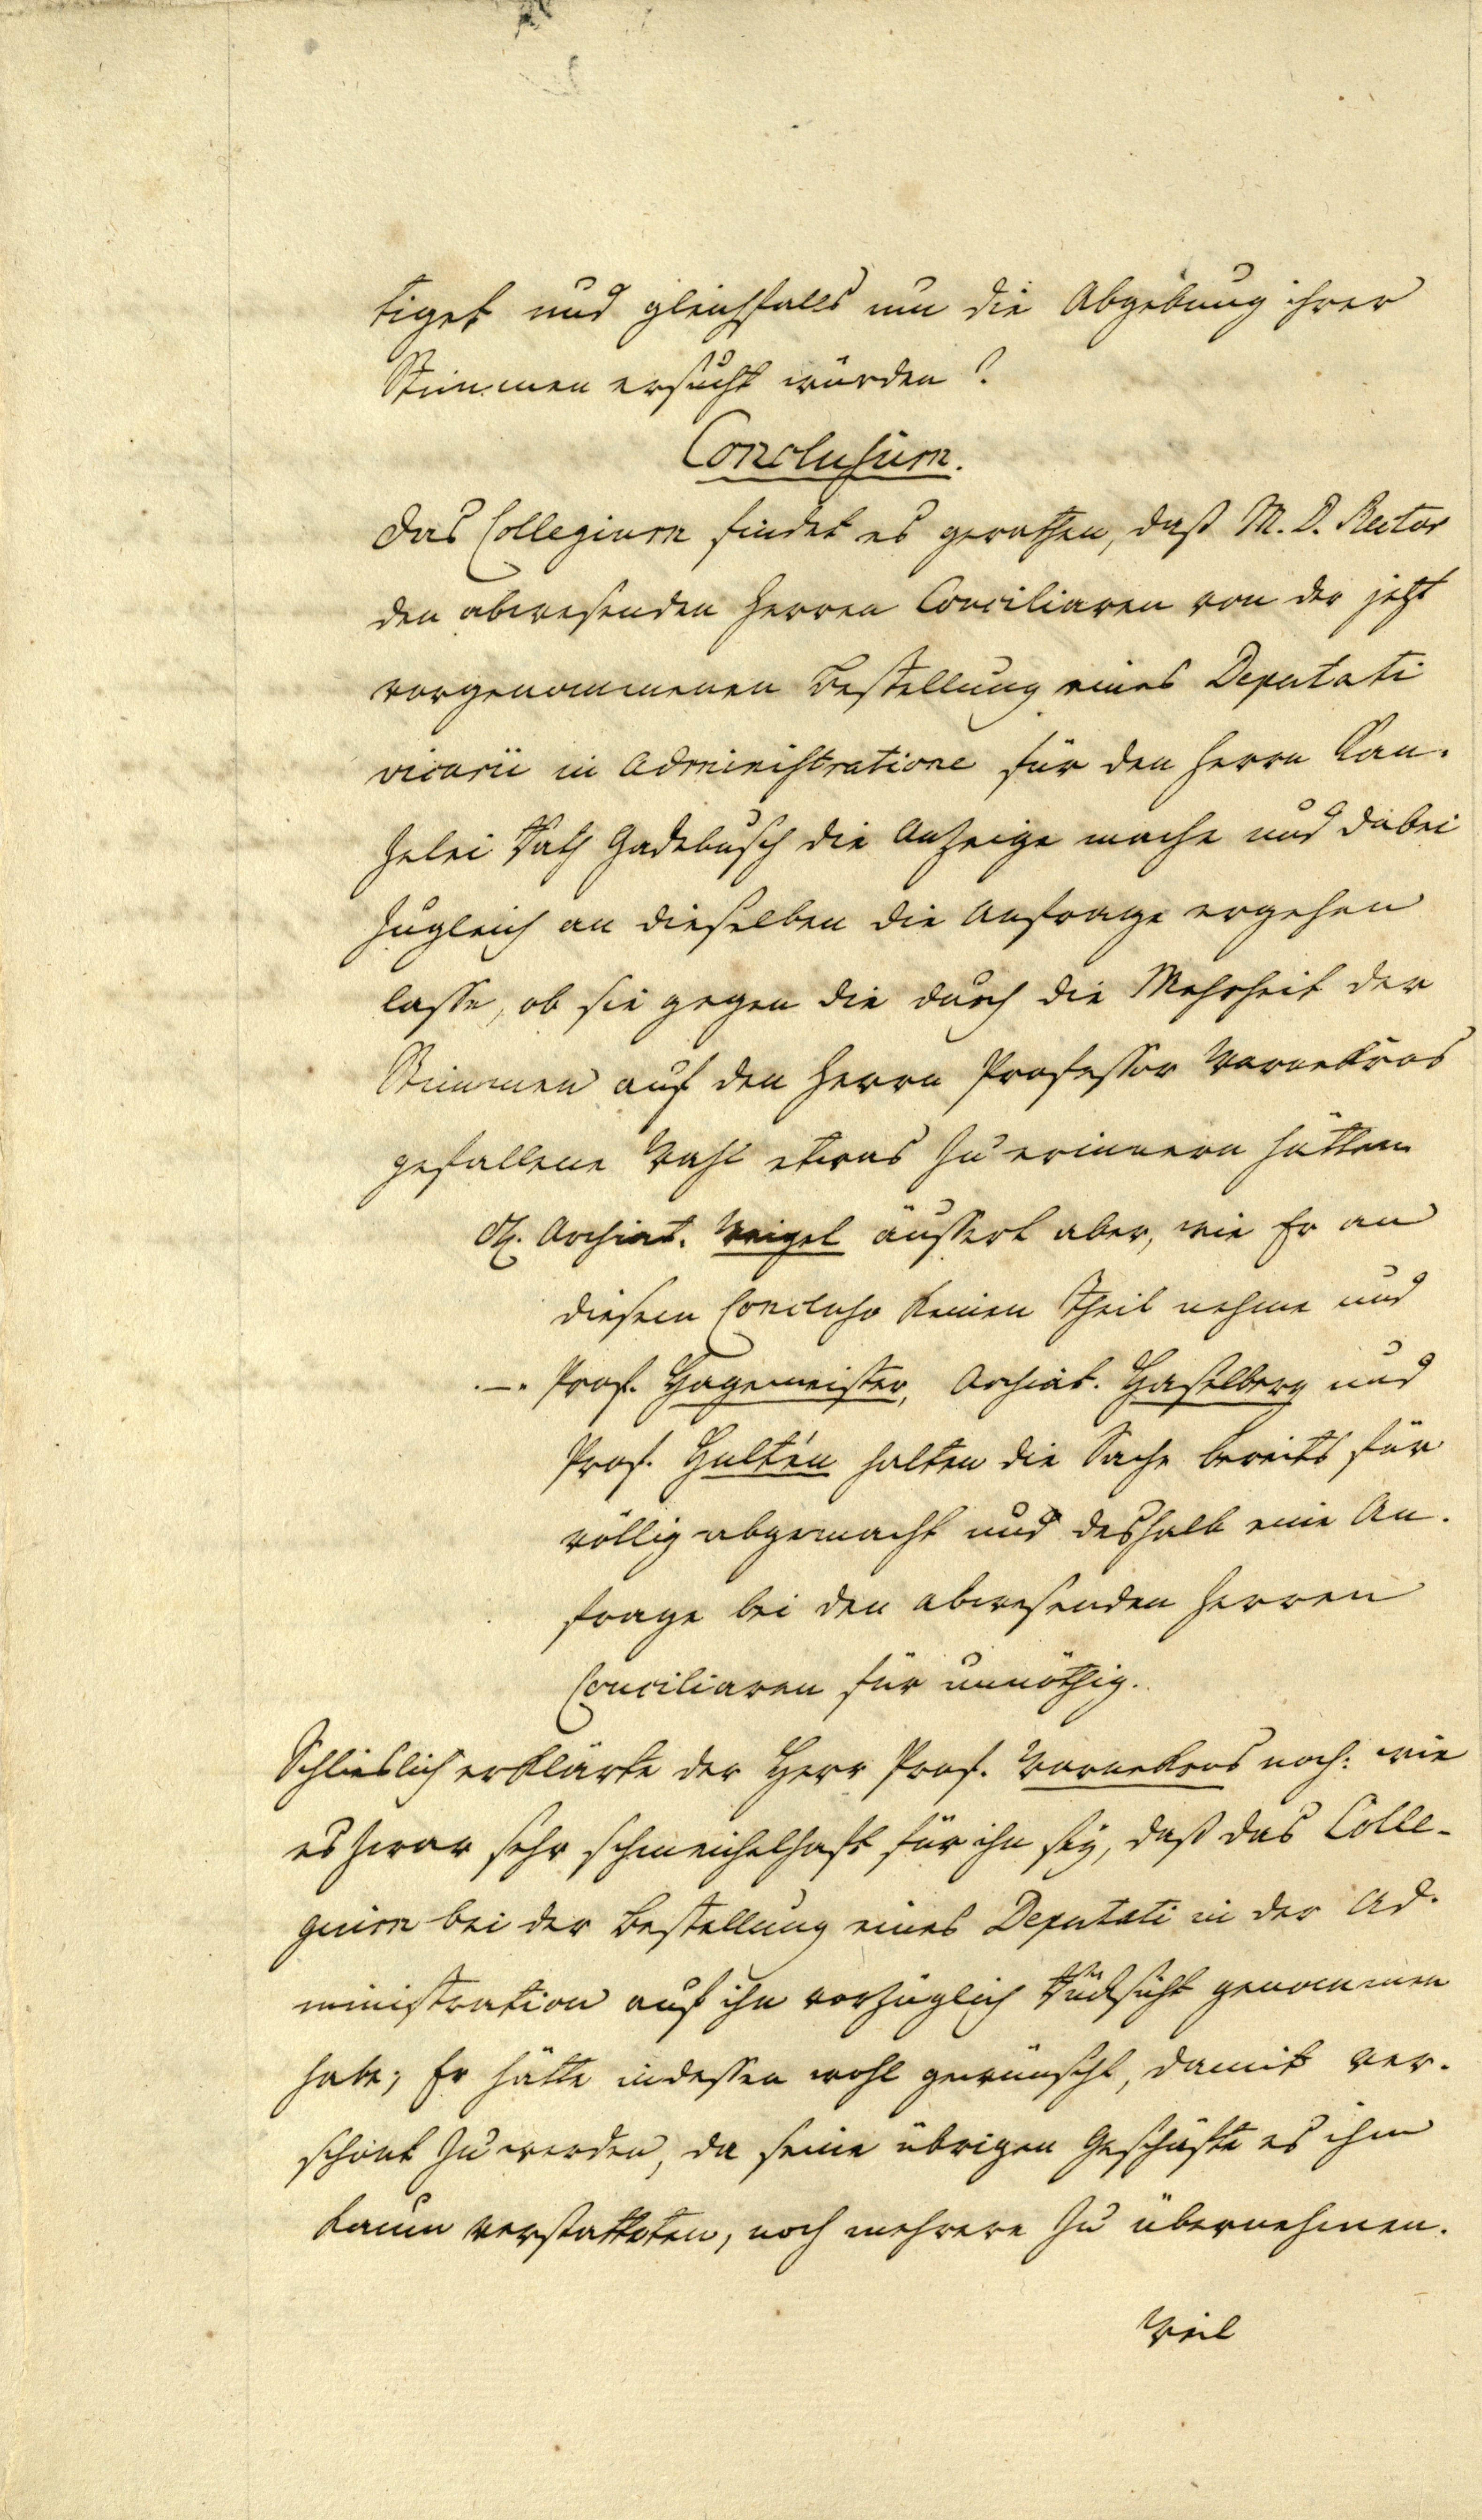tiget und gleichfalls um die Abgebung ihrer
Stimmen ersucht würden?
Conclusum
Das Collegium findet es gerathen, daß M. D. Rector
den abwesenden Herren Conciliaren von der jetzt
vorgenommenen Bestellung eines Deputati
vicarii in Administratione für den Herrn Kan¬
zelei Rath Gadebusch die Anzeige mache und dabei
zugleich an dieselben die Anfrage ergehen
lasse, ob sie gegen die durch die Mehrheit der
Stimmen auf den Herrn Professor Warnekros
gefallene Wahl etwas zu erinnern hätten.
dh. Archiat. Weigel äussert aber, wie Er an
diesem Concluso keinen Theil nehme und
Prof. Hagemeister, Archiat. Haselberg und
Prof. Hultén halten die Sache bereits für
völlig abgemacht und deshalb eine An¬
frage bei den abwesenden Herren
Conciliaren für unnöthig.
Schlieslich erklärte der Herr Prof. Warnekros noch: wie
es zwar sehr schmeichelhaft für ihn seÿ, daß das Colle¬
gium bei der Bestellung eines Deputati in der Ad¬
ministration auf ihn vorzüglich Rücksicht genommen
habe, Er hätte indessen wohl gewünscht, damit ver¬
schont zu werden, da seine übrigen Geschäfte es ihm
kaum verstatteten, noch mehrere zu übernehmen.
weil